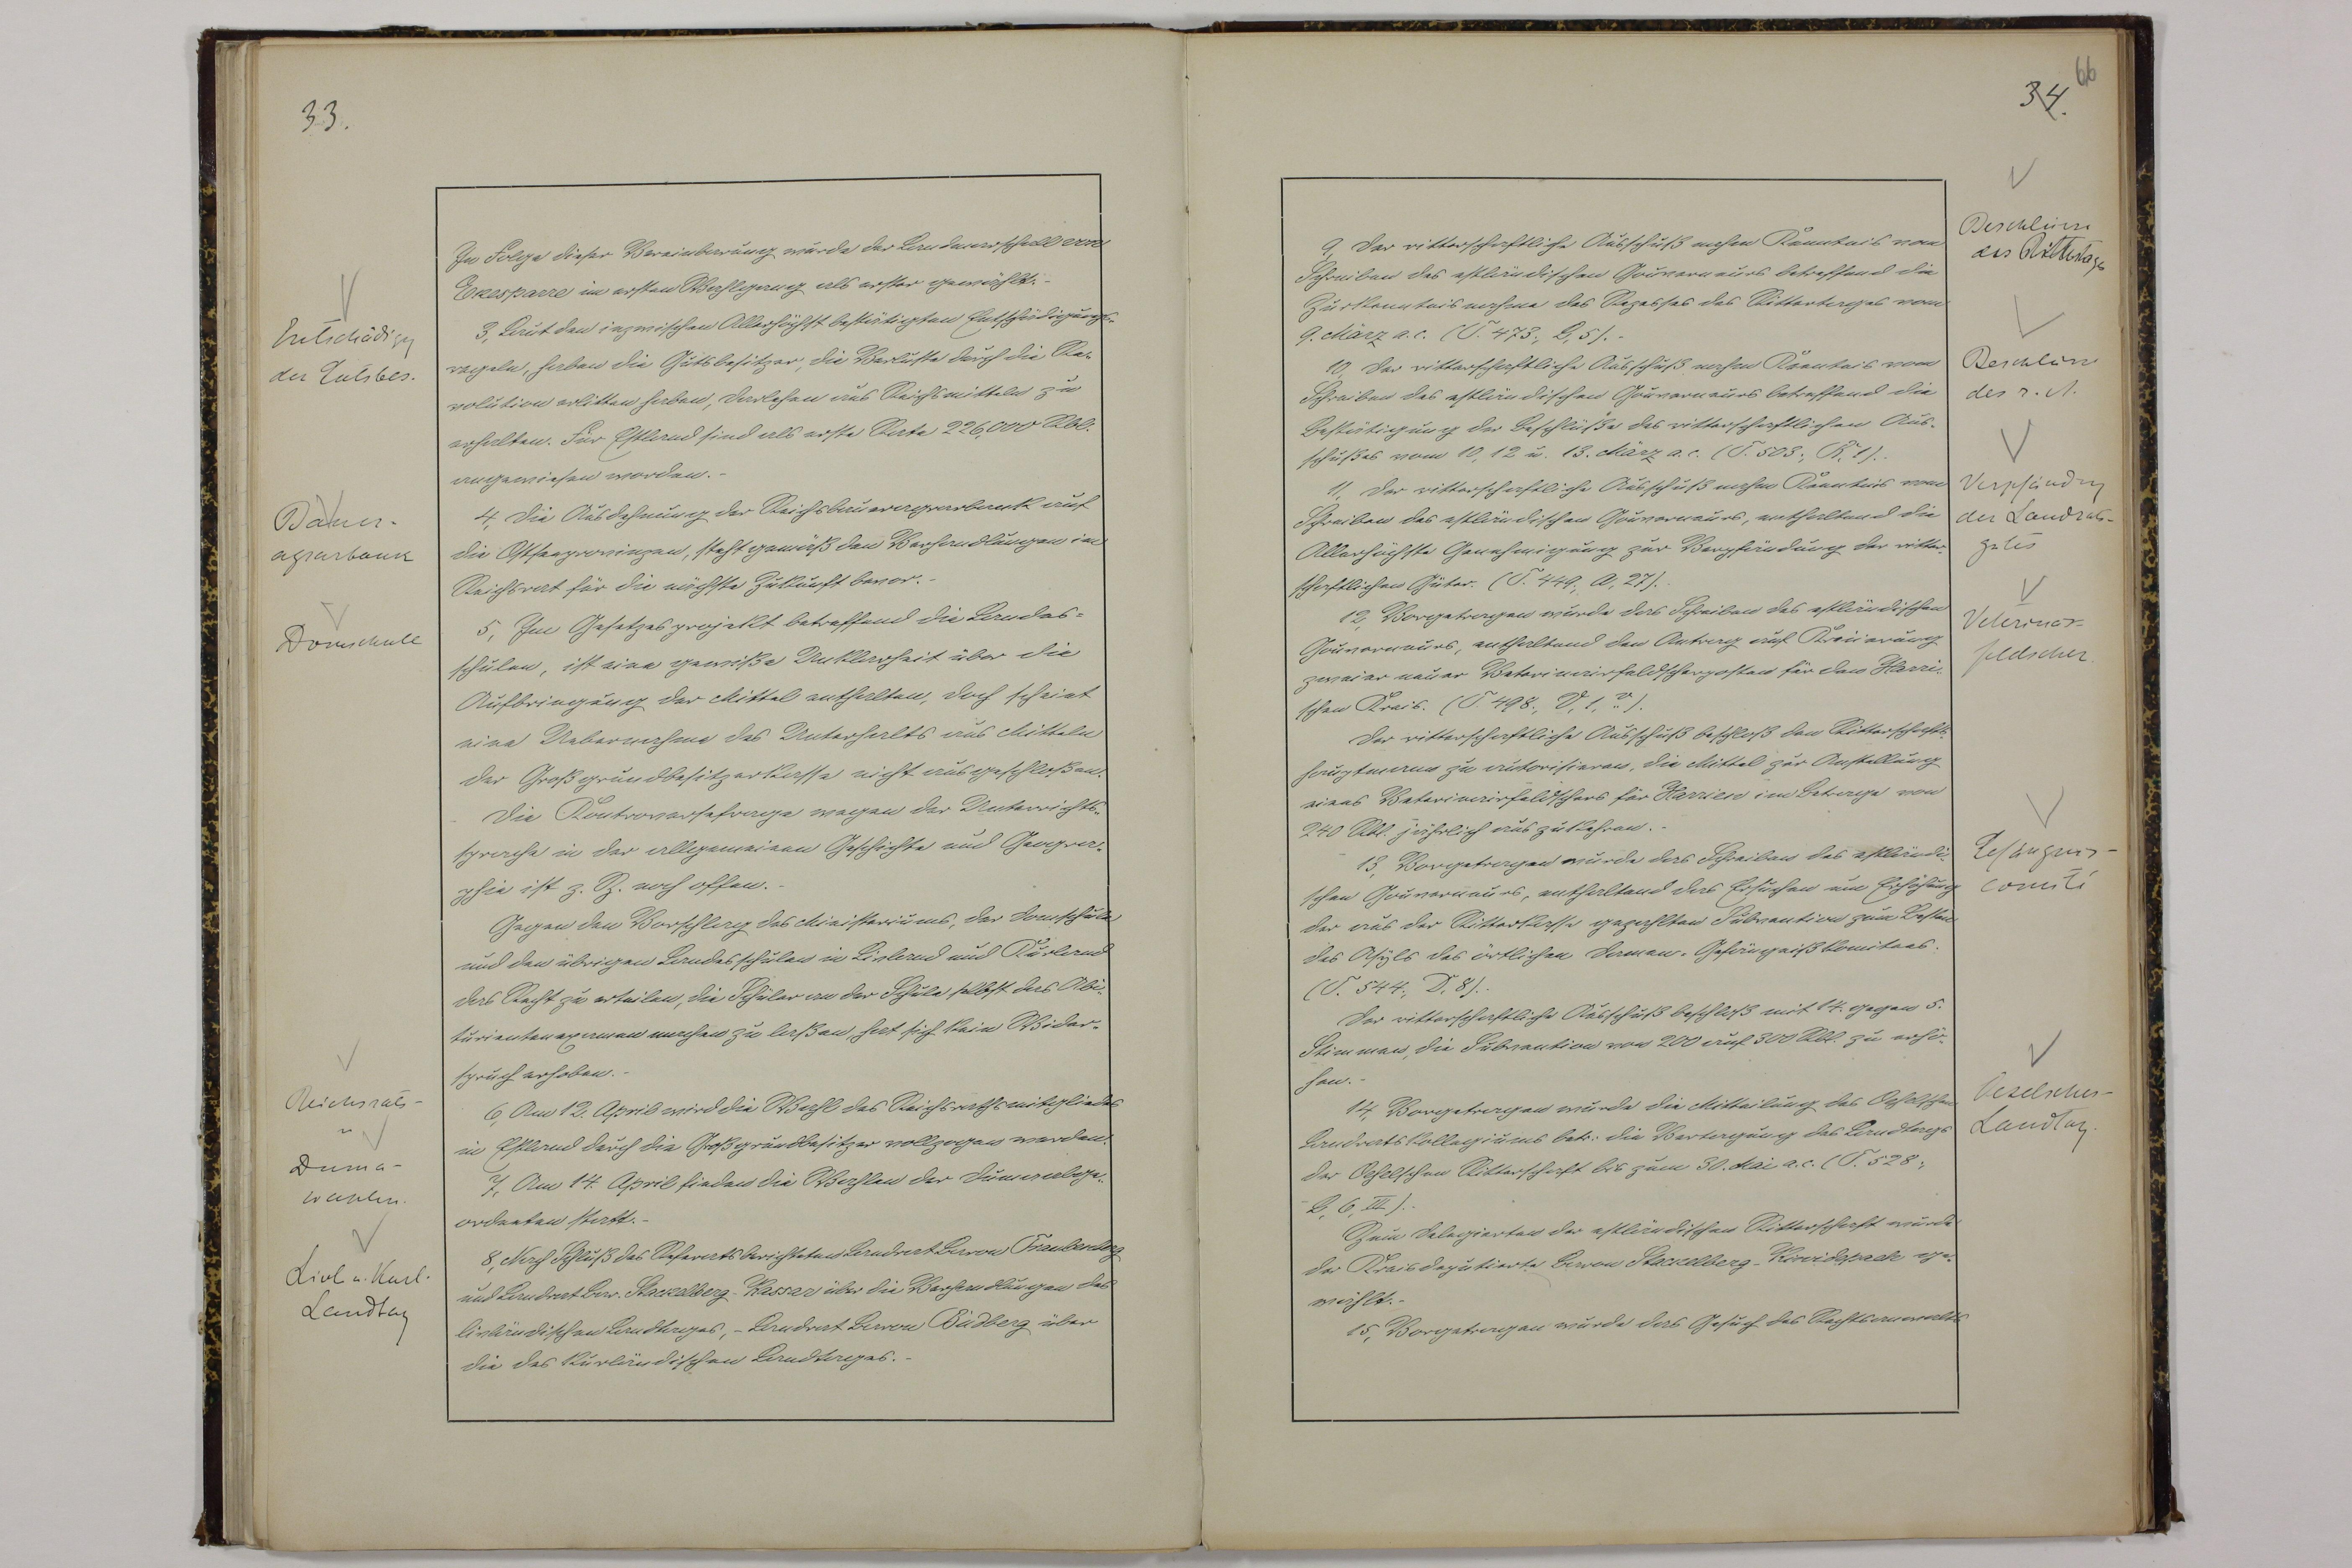Entschädigung
der Gutsbes.
Bauer-
agrarbank
Domschule
Reichsrats-
u.
Duma-
wahlen.
Livl. u. Kurl.
Landtag
In Folge dieser Vereinbarung wurde der Landmarschall von
Ekesparre im ersten Wahlgang als erster gewählt.
3. Laut inzwischen Allerhöchst bestätigten Entschädigungs-
regeln, haben die Gutsbesitzer, die Verluste durch die Re-
volution erlitten haben, Darlehen aus Reichsmitteln zu
erhalten. Für Estland sind als erste Rate 226,000 Rbl.
angewiesen worden.
4. Die Ausdehnung der Reichsbaueragrarbank auf
die Ostseeprovinzen steht gemäß den Verhandlungen im
Reichsrat für die nächste Zukunft bevor.
5. Im Gesetzesprojekt betreffend die Landes-
schulen, ist eine gewiße Unklarheit über die
Aufbringung der Mittel enthalten, doch scheint
eine Uebernahme des Unterhalts aus Mitteln
der Großgrundbesitzerkasse nicht ausgeschlossen.
Die Kontroversefrage wegen der Unterrichts-
sprache in der allgemeinen Geschichte und Geogra-
phie ist z.Z. noch offen.
Gegen den Vorschlag des Ministeriums, der Domschule
und den übrigen Landesschulen in Livland und Kurland
das Recht zu erteilen, die Schüler an der Schule selbst das Abi-
turientenexamen machen zu laßen, hat sich kein Wider-
spruch erhoben.
6. Am 12. April wird die Wahl des Reichsrathsmitgliedes
in Estland durch die Großgrundbesitzer vollzogen werden.
7. Am 14. April finden die Wahlen der Dumaabge-
ordneten statt.
8. Nach Schluß des Referats berichteten Landrat Baron Traubenberg
und Landrat Bar. Stackelberg-Kassar über die Verhandlungen des
livländischen Landtages, Landrat Baron Budberg über
die des kurländischen Landtages.
9. Der ritterschaftliche Ausschuß nahm Kenntnis vom
Schreiben des estländischen Gouverneurs betreffend die
Zurkenntnisnahme des Rezesses des Rittertages vom
9. März a.c. (T.473; L.5)
10. Der ritterschaftliche Ausschuß nahm Kenntnis vom
Schreiben des estländischen Gouverneurs betreffend die
Bestätigung der Beschlüße des ritterschaftlichen Aus-
schußes vom 10, 12. und 13. März a.c. (T. 503; R.1).
11. Der ritterschaftliche Ausschuß nahm Kenntnis vom
Schreiben des estländischen Gouverneurs, enthaltend die
Allerhöchste Genehmigung zur Verpfändung der ritter-
schaftlichen Güter (T.449; A.27).
12. Vorgetragen wurde das Schreiben des estländischen
Gouverneurs, enthaltend den Antrag auf Kreiierung
zweier neuer Veterinairfeldscherposten für den Harri-
schen Kreis. (T.498; V.1v).
Der ritterschaftliche Ausschuß beschloß, den Ritterschafts-
hauptmann zu autorisieren, die Mittel zur Anstellung
eines Veterinairfeldschers für Harrien im Betrage von
240 Rbl. jährlich auszukehren.
13. Vorgetragen wurde das Schreiben des estländi-
schen Gouverneurs, enthaltend das Ersuchen um Erhöhung
der aus der Ritterkasse gezahlten Subvention zum Besten
des Asyls des örtlichen Damen-Gefängnißkomitees.
(T.544; D.8)
Der ritterschaftliche Ausschuß beschloß mit 14 gegen 5
Stimmen, die Subvention von 200 auf 300 Rbl. zu erhö-
hen.
14. Vorgetragen wurde die Mitteilung des Oeselschen
Landratskollegiums betr. die Vertagung des Landtags
der Oeselschen Ritterschaft bis zum 30. Mai a.c. (T.528;
L.6,III).
Zum Delegierten der estländischen Ritterschaft wurde
der Kreisdeputierte Baron Stackelberg-Kiwidepaeh ge-
wählt.
15. Vorgetragen wurde das Gesuch des Rechtsanwalts
Beschlüsse
des Rittertages
Beschlüsse
des r. A.
Verpfändung
der Landrats-
guter
Veterinär-
feldscher
Gefängnis-
comité
Oeselscher
Landtag